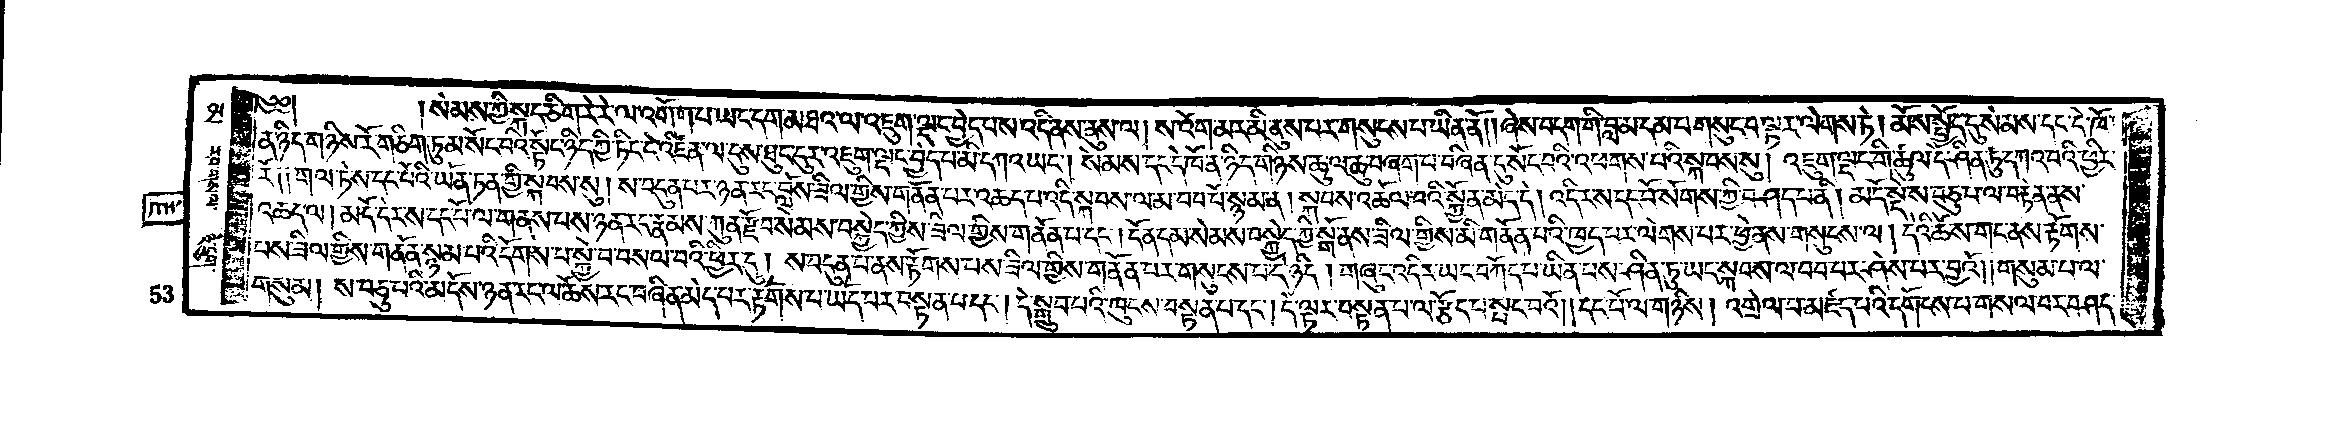༄༅། །སེམས་ཀྱི་སྐད་ཅིག་རེ་རེ་ལ་འགོག་པ་ཡང་དག་མཐའ་ལ་འཇུག་ལྡང་བྱེད་པ་ས་འདི་ནས་ནུས་ལ། ས་འོག་མར་མི་ནུས་པར་གསུངས་པ་ཡིན་ནོ། །ཞེས་བདག་གི་བླ་མ་དམ་པ་གསུང་བ་ལྟར་ལེགས་ཏེ། མོས་སྤྱོད་དུ་སེམས་དང་དེ་ཁོ་
ན་ཉིད་གཉིས་རོ་གཅིག་ཏུ་མ་སོང་བའི་སྟོང་ཉིད་ཀྱི་ཏིང་ངེ་འཛིན་ལ་དུས་ཐུང་ངུར་འཇུག་ལྡང་བྱེད་པ་མི་དཀའ་ཡང་། སེམས་དང་དེ་ཁོ་ན་ཉིད་གཉིས་ཆུ་ལ་ཆུ་བཞག་པ་བཞིན་དུ་སོང་བའི་འཕགས་པའི་སྐབས་སུ། འཇུག་ལྡང་གི་ཚུལ་དེ་ཤིན་ཏུ་དཀའ་བའི་ཕྱིར་
རོ། །གལ་ཏེ་ས་དང་པོའི་ཡོན་ཏན་གྱི་སྐབས་སུ། ས་བདུན་པར་ཉན་རང་བློས་ཟིལ་གྱིས་གནོན་པར་འཆད་པ་འདི་སྐབས་ལ་མ་བབ་པོ་སྙམ་ན། སྐབས་འཆོལ་བའི་སྐྱོན་མེད་དེ། འདིར་ས་དང་པོ་སོགས་ཀྱི་བཤད་པ་ནི། མདོ་སྡེ་ས་བཅུ་པ་ལ་བརྟེན་ནས་
འཆད་ལ། མདོ་དེར་ས་དང་པོ་ལ་གནས་པས་ཉན་རང་རྣམས་ཀུན་རྫོབ་སེམས་བསྐྱེད་ཀྱིས་ཟིལ་གྱིས་གནོན་པ་དང་། དོན་དམ་སེམས་བསྐྱེད་ཀྱི་སྒོ་ནས་ཟིལ་གྱིས་མི་གནོན་པའི་ཁྱད་པར་ལེགས་པར་ཕྱེ་ནས་གསུངས་ལ། དེའི་ཚེ་ས་གང་ནས་རྟོགས་
པས་ཟིལ་གྱིས་གནོན་སྙམ་པའི་དོགས་པ་སྐྱེ་བ་བསལ་བའི་ཕྱིར་དུ། ས་བདུན་པ་ནས་རྟོགས་པས་ཟིལ་གྱིས་གནོན་པར་གསུངས་པ་དེ་ཉིད། གཞུང་འདིར་ཡང་བཀོད་པ་ཡིན་པས་ཤིན་ཏུ་ཡང་སྐབས་ལ་བབ་པར་ཤེས་པར་བྱའོ། །གསུམ་པ་ལ་
གསུམ། ས་བཅུ་པའི་མདོས་ཉན་རང་ལ་ཆོས་རང་བཞིན་མེད་པར་རྟོགས་པ་ཡོད་པར་བསྟན་པ་དང་། དེ་སྒྲུབ་པའི་ཁུངས་བསྟན་པ་དང་། དེ་ལྟར་བསྟན་པ་ལ་རྩོད་པ་སྤང་བའོ། །དང་པོ་ལ་གཉིས། འགྲེལ་པ་མཛད་པའི་དགོངས་པ་གསལ་བར་བཤད་